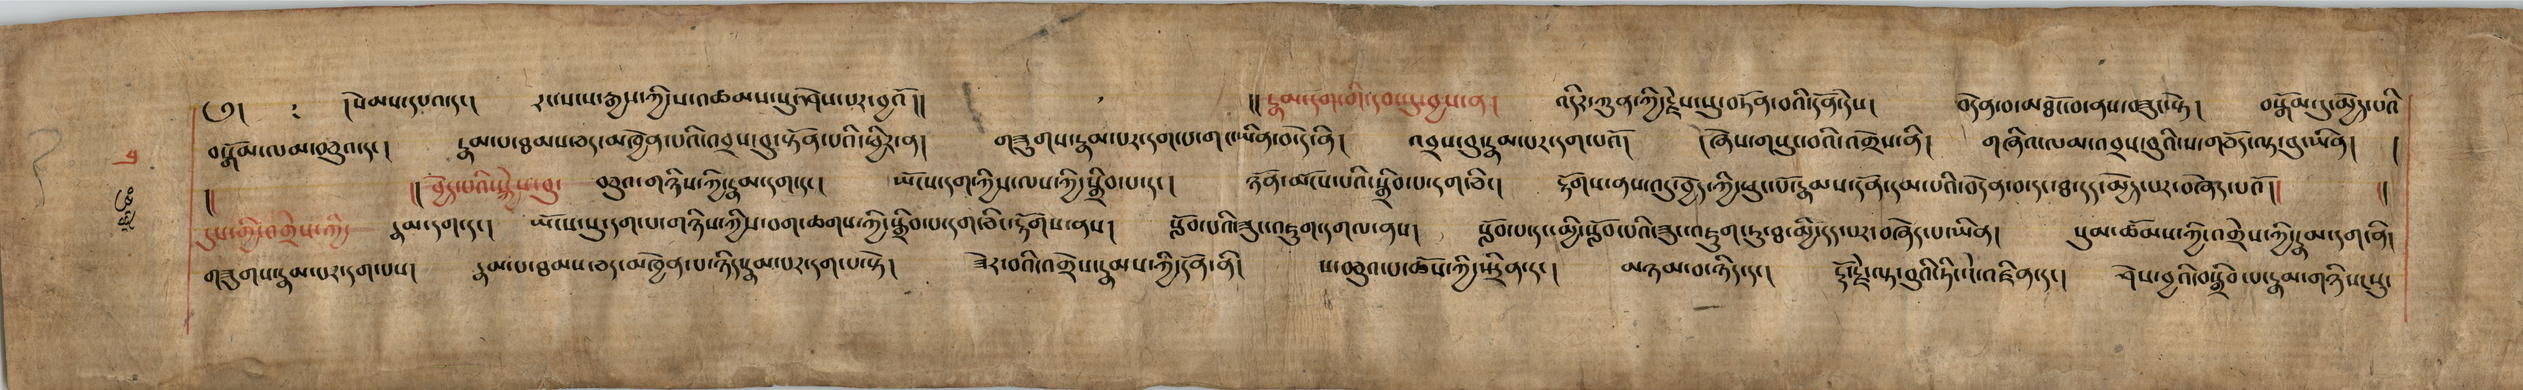༅། : །སེམས་དཔའ་དང། རང་སངས་རྒྱས་ཀྱི་ས་འཚམས་སུ་ཤེས་པར་བྱའོ།། །།རྣམ་དག་གི་དབང་དུ་བྱས་ན། འདིར་ཀུན་ཀྱི་རྗེས་སུ་བཏོན་བའི་དོན་དེས། བདེན་བ་མཐོང་བ་ནས་བཟུང་སྟེ། བསྒོམ་དུ་མྱེད་པའི
བསྒོམ་ལམ་བཅུའ་དང། རྣམ་པ་ཐམས་ཅད་དུ་མཁྱེན་པའི་འབྲས་བུ་སྟོན་པའི་ཕྱིར་ན། གཟུགས་རྣམ་པར་དག་པ་གང་ཡིན་བ་དེ་ནི། འབྲས་བུ་རྣམ་པར་དག་པའོ། །ཞེས་གསུང་བའི་འགྲེས་ནི། གཞིའ་ལམ་འབྲས་བུའི་ས་གཅོད་ལྟ་བུ་ཡིན།
།། བྱེད་པའི་སྐྱེས་བུ་ བཅུའ་གཉིས་ཀྱི་རྣམ་དག་དང། ཡོངས་དག་ཀྱིས་ལས་ཀྱི་སྒྲིབ་པ་དང། ཉོན་མོངས་པའི་སྒྲིབ་པ་དག་ཅིང། རྟོགས་ནས་འདུ་བྱེད་ཀྱི་ཕུང་པོ་རྣམས་དོན་དམ་པའི་བདེན་བ་དང་ཐ་དད་མྱེད་པར་བཞེད་པའོ།།
དུས་ཀྱི་བགྲེས་ཀྱི་ རྣམ་དག་དང། ཡོངས་སུ་དག་པ་གཉིས་ཀྱིས་བག་ཆགས་ཀྱི་སྒྲིབ་པ་དག་ཅིང་རྟོགས་ནས། སློབ་པའི་ཟུང་འཇུག་དགལ་ནས། སློབ་པ་དང་མྱི་སློབ་པའི་ཟུང་འཇུག་ཏུ་ཐ་མྱི་དད་པར་བཞེད་པ་ཡིན། སུམ་ཚོམས་ཀྱི་འགྲེས་ཀྱི་རྣམ་དག་ནི།
གཟུགས་རྣམ་པར་དག་པས། རྣམ་པ་ཐམས་ཅད་མཁྱེན་པ་ཉིད་རྣམ་པར་དག་པ་སྟེ། ཟེར་བའི་འགྲེས་རྣམས་ཀྱི་དོན་ནི། ས་བཅུའ་པ་ཆོས་ཀྱི་སྲིན་དང། མཉམ་བ་ཉིད་དང། རྡོ་རྗེ་ལྟ་བུའི་ཏིང་ངེ་འཛིན་དང། ཤེས་བྱའི་བསྒྲིབ་པ་རྣམ་གཉིས་སུ་